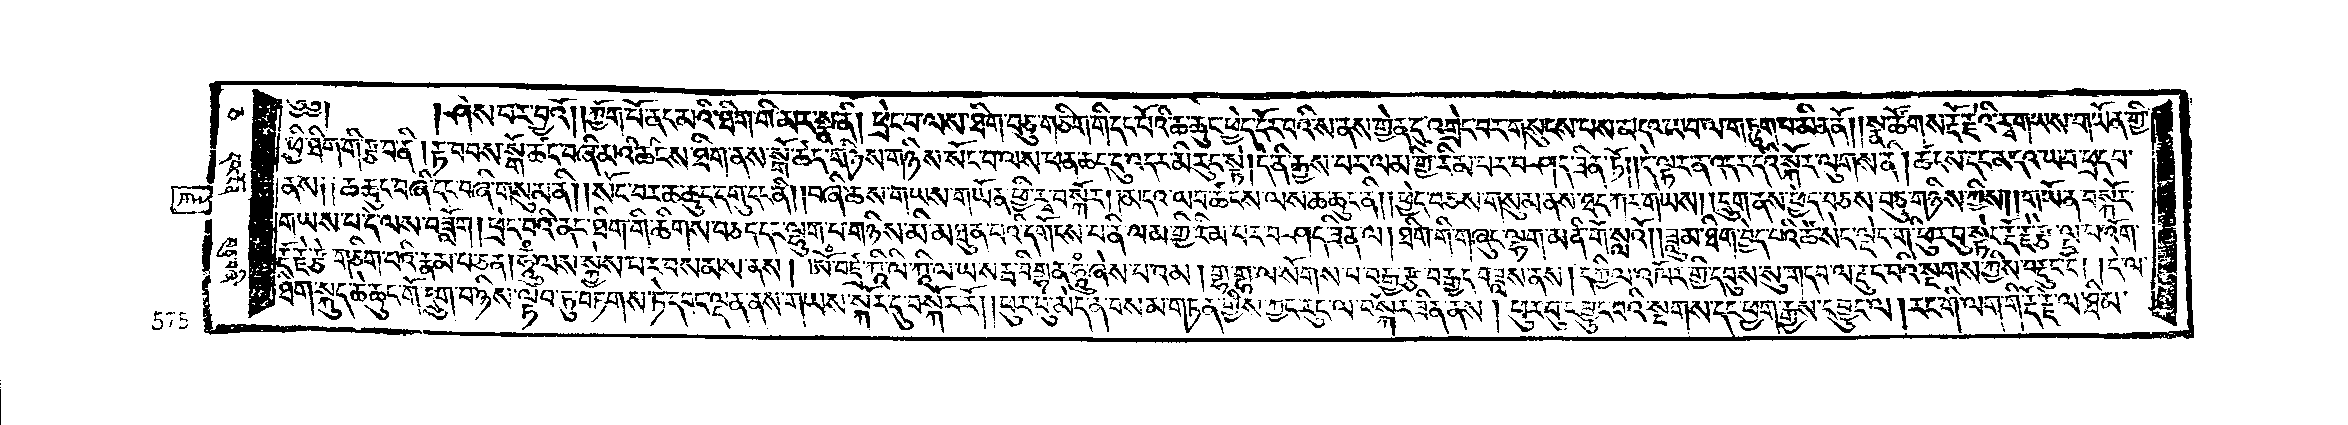༄༅། །ཤེས་པར་བྱའོ། །ཀྱོག་པོ་ནང་མའི་ཐིག་གི་མར་སྣ་ནི། ཕྲེང་བ་ལས་ཐིག་བཅུ་གཅིག་གི་དང་པོའི་ཆ་ཆུང་ཕྱེད་དོར་བའི་ས་ནས་གྱེན་དུ་འགྲེང་བར་གསུངས་པས་མདའ་ཡབ་ལ་གཏུག་པ་མིན་ནོ། །སྣ་ཚོགས་རྡོ་རྗེའི་རྭ་གཡས་གཡོན་གྱི་
ཕྱི་ཐིག་གི་རྩ་བ་ནི། རྟ་བབས་སྒོ་ཚད་བཞི་མའི་ཆངས་ཐིག་ནས་སྒོ་ཚད་གཉིས་གཉིས་སོང་བ་ལས་ཕན་ཆད་དུ་འདར་མི་རུང་སྟེ། དེ་ནི་རྒྱས་པར་ལམ་གྱི་རིམ་པར་བཤད་ཟིན་ཏོ། །དེ་ལྟར་ན་འདིར་དེའི་སྐོར་ལུགས་ནི། ཚངས་དང་མདའ་ཡབ་ཕྲད་པ་
ནས༑ ༑ཆ་ཆུང་བཞི་དང་བཞི་གསུམ་ནི། །སོང་བར་ཆ་ཆུང་དགུ་དང་ནི། །བཞི་ཆས་གཡས་གཡོན་ཕྱི་རྭ་བསྐོར། །མདའ་ཡབ་ཚངས་ལས་ཆ་ཆུང་ནི། །ཕྱེད་བཅས་གསུམ་ནས་ཐད་ཀར་གཡས། །དྲུག་ནས་ཕྱེད་བཅས་བཅུ་གཉིས་ཀྱིས། །གཡོན་བསྐོར་
གཡས་པ་དེ་ལས་བཟློག །ཕྲེང་བའི་ནང་ཐིག་གི་ཚིགས་བཅད་དང་ལྷུག་པ་གཉིས་མི་མཐུན་པའི་དགོངས་པ་ནི་ལམ་གྱི་རིམ་པར་བཤད་ཟིན་ལ། ཐིག་གི་གཞུང་ལྷག་མ་ནི་གོ་སླའོ། །ཟླུམ་ཐིག་བྱེད་པའི་ཚེ་སེང་ལྡེང་གི་ཕུར་བུ་སྟེང་རྡོ་རྗེ་རྩེ་ལྔ་པ་འོག་
རྡོ་རྗེ་རྩེ་གཅིག་པའི་རྣམ་པ་ཅན། ཧཱུཾ་ལས་སྐྱེས་པར་བསམས་ནས། ཨོཾ་བཛྲ་ཀཱི་ལི་ཀཱི་ལ་ཡ་སརྦ་བིགྷཱན་ཧཱུཾ་ཞེས་པ་འམ། གྷ་གྷ་ལ་སོགས་པ་བརྒྱ་རྩ་བརྒྱད་བཟླས་ནས། དཀྱིལ་འཁོར་གྱི་དབུས་སུ་གདབ་ལ་རྡུང་བའི་སྔགས་ཀྱིས་བརྡུང་ངོ། །དེ་ལ་
ཐིག་སྐུད་ཆེ་ཆུང་གོ་དྲུག་པ་ཉིས་ལྟབ་ཏུ་བཏགས་ཏེ་དབང་ལྡན་ནས་གཡས་སྐོར་དུ་བསྐོར་རོ། །ཕུར་བུ་མེད་ན་བསམ་གཏན་གྱིས་ཀྱང་རུང་ལ་བསྐོར་ཟིན་ནས། ཕུར་བུ་དབྱུང་བའི་སྔགས་དང་ཕྱག་རྒྱས་དབྱུང་ལ། རང་གི་ལག་གི་རྡོ་རྗེ་ལ་ཐིམ་